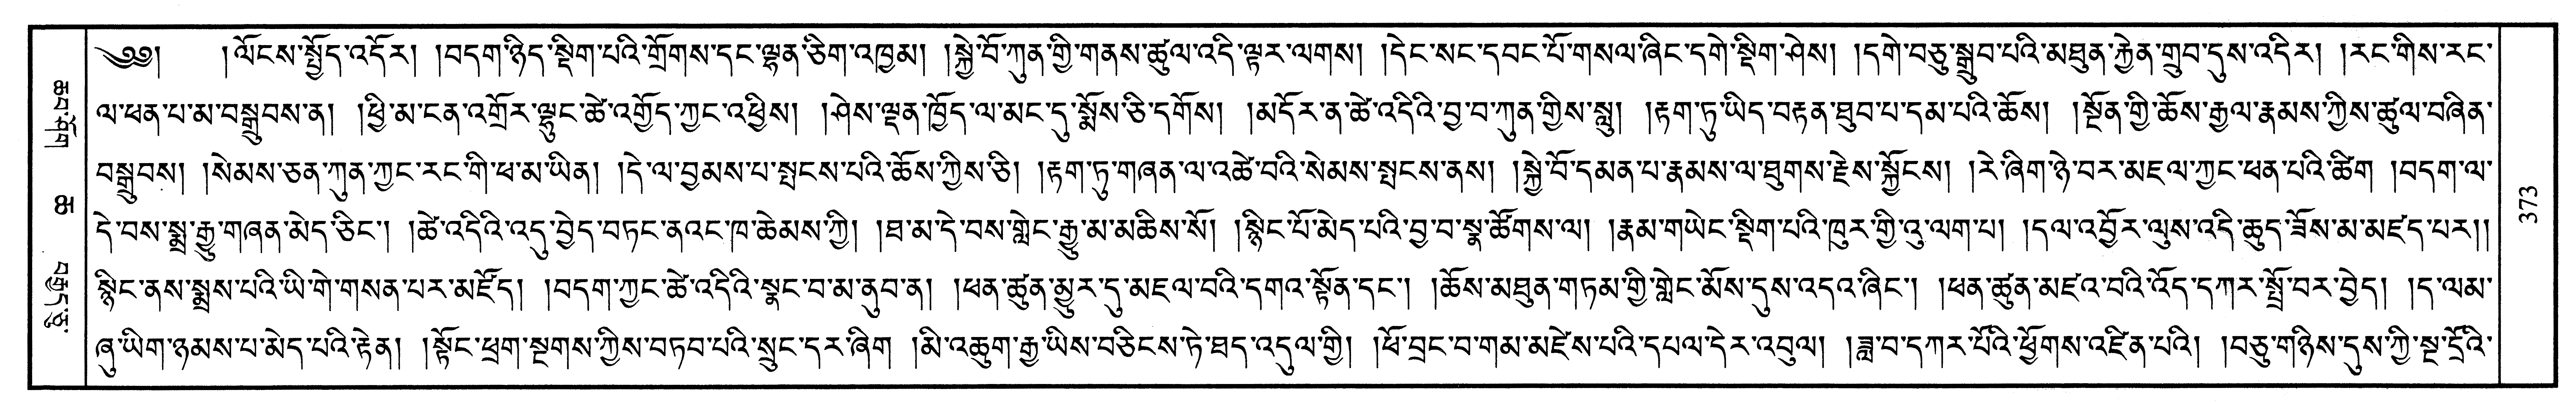༄༅། །ལོངས་སྤྱོད་འདོར། །བདག་ཉིད་སྡིག་པའི་གྲོགས་དང་ལྷན་ཅིག་འཁྱམ། །སྐྱེ་བོ་ཀུན་གྱི་གནས་ཚུལ་འདི་ལྟར་ལགས། །དེང་སང་དབང་པོ་གསལ་ཞིང་དགེ་སྡིག་ཤེས། །དགེ་བཅུ་སྒྲུབ་པའི་མཐུན་རྐྱེན་གྲུབ་དུས་འདིར། །རང་གིས་རང་
ལ་ཕན་པ་མ་བསྒྲུབས་ན། །ཕྱི་མ་ངན་འགྲོར་ལྷུང་ཚེ་འགྱོད་ཀྱང་འཕྱིས། །ཤེས་ལྡན་ཁྱོད་ལ་མང་དུ་སྨོས་ཅི་དགོས། །མདོར་ན་ཚེ་འདིའི་བྱ་བ་ཀུན་གྱིས་སླུ། །རྟག་ཏུ་ཡིད་བརྟན་ཐུབ་པ་དམ་པའི་ཆོས། །སྔོན་གྱི་ཆོས་རྒྱལ་རྣམས་ཀྱིས་ཚུལ་བཞིན་
བསྒྲུབས། །སེམས་ཅན་ཀུན་ཀྱང་རང་གི་ཕ་མ་ཡིན། །དེ་ལ་བྱམས་པ་སྤངས་པའི་ཆོས་ཀྱིས་ཅི། །རྟག་ཏུ་གཞན་ལ་འཚེ་བའི་སེམས་སྤངས་ནས། །སྐྱེ་བོ་དམན་པ་རྣམས་ལ་ཐུགས་རྗེས་སྐྱོངས། །རེ་ཞིག་ཉེ་བར་མཇལ་ཀྱང་ཕན་པའི་ཚིག །བདག་ལ་
དེ་བས་སྨྲ་རྒྱུ་གཞན་མེད་ཅིང་། །ཚེ་འདིའི་འདུ་བྱེད་བཏང་ནའང་ཁ་ཆེམས་ཀྱི། །ཐ་མ་དེ་བས་གླེང་རྒྱུ་མ་མཆིས་སོ། །སྙིང་པོ་མེད་པའི་བྱ་བ་སྣ་ཚོགས་ལ། །རྣམ་གཡེང་སྡིག་པའི་ཁུར་གྱི་འུ་ལག་པ། །དལ་འབྱོར་ལུས་འདི་ཆུད་ཟོས་མ་མཛད་པར།།
སྙིང་ནས་སྨྲས་པའི་ཡི་གེ་གསན་པར་མཛོད། །བདག་ཀྱང་ཚེ་འདིའི་སྣང་བ་མ་ནུབ་ན། །ཕན་ཚུན་མྱུར་དུ་མཇལ་བའི་དགའ་སྟོན་དང་། །ཆོས་མཐུན་གཏམ་གྱི་གླེང་མོས་དུས་འདའ་ཞིང་། །ཕན་ཚུན་མཛའ་བའི་འོད་དཀར་སྤྲོ་བར་བྱེད། །ད་ལམ་
ཞུ་ཡིག་ཉམས་པ་མེད་པའི་རྟེན། །སྟོང་ཕྲག་སྔགས་ཀྱིས་བཏབ་པའི་སྲུང་དར་ཞིག །མི་འཆུག་རྒྱ་ཡིས་བཅིངས་ཏེ་ཐད་འདུལ་གྱི། །ཕོ་བྲང་བ་གམ་མཛེས་པའི་དཔལ་དེར་འབུལ། །ཟླ་བ་དཀར་པོའི་ཕྱོགས་འཛིན་པའི། །བཅུ་གཉིས་དུས་ཀྱི་སྔ་དྲོའི་